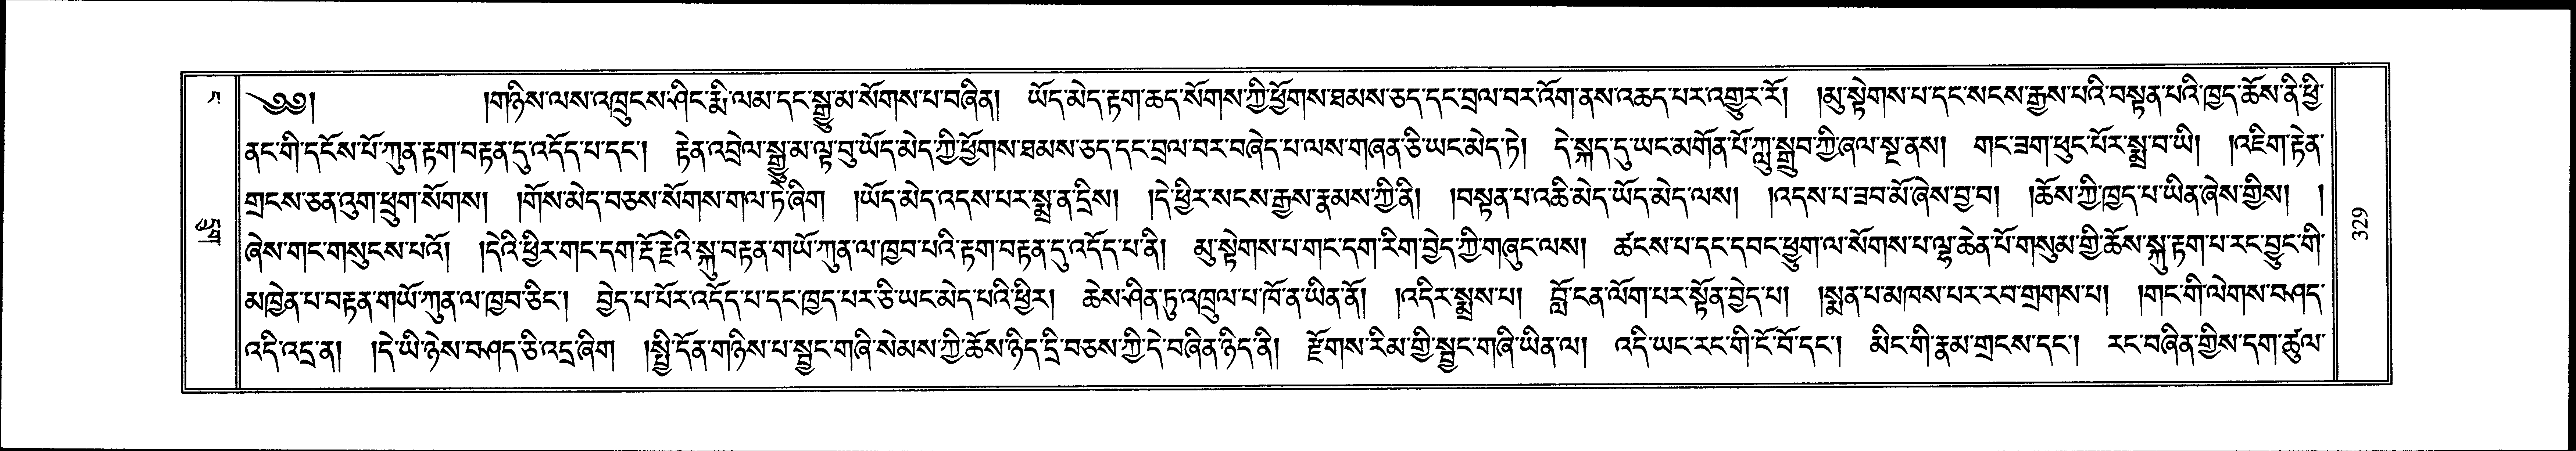༄༅། །གཉིས་ལས་འཁྲུངས་ཤིང་རྨི་ལམ་དང་སྒྱུ་མ་སོགས་པ་བཞིན། ཡོད་མེད་རྟག་ཆད་སོགས་ཀྱི་ཕྱོགས་ཐམས་ཅད་དང་བྲལ་བར་འོག་ནས་འཆད་པར་འགྱུར་རོ། །མུ་སྟེགས་པ་དང་སངས་རྒྱས་པའི་བསྟན་པའི་ཁྱད་ཆོས་ནི་ཕྱི་
ནང་གི་དངོས་པོ་ཀུན་རྟག་བརྟན་དུ་འདོད་པ་དང་། རྟེན་འབྲེལ་སྒྱུ་མ་ལྟ་བུ་ཡོད་མེད་ཀྱི་ཕྱོགས་ཐམས་ཅད་དང་བྲལ་བར་བཞེད་པ་ལས་གཞན་ཅི་ཡང་མེད་ཏེ། དེ་སྐད་དུ་ཡང་མགོན་པོ་ཀླུ་སྒྲུབ་ཀྱི་ཞལ་སྔ་ནས། གང་ཟག་ཕུང་པོར་སྨྲ་བ་ཡི། །འཇིག་རྟེན་
གྲངས་ཅན་འུག་ཕྲུག་སོགས། །གོས་མེད་བཅས་སོགས་གལ་ཏེ་ཞིག །ཡོད་མེད་འདས་པར་སྨྲ་ན་དྲིས། །དེ་ཕྱིར་སངས་རྒྱས་རྣམས་ཀྱི་ནི། །བསྟན་པ་འཆི་མེད་ཡོད་མེད་ལས། །འདས་པ་ཟབ་མོ་ཞེས་བྱ་བ། །ཆོས་ཀྱི་ཁྱད་པ་ཡིན་ཞེས་གྱིས། །
ཞེས་གང་གསུངས་པའོ། །དེའི་ཕྱིར་གང་དག་རྡོ་རྗེའི་སྐུ་བརྟན་གཡོ་ཀུན་ལ་ཁྱབ་པའི་རྟག་བརྟན་དུ་འདོད་པ་ནི། མུ་སྟེགས་པ་གང་དག་རིག་བྱེད་ཀྱི་གཞུང་ལས། ཚངས་པ་དང་དབང་ཕྱུག་ལ་སོགས་པ་ལྷ་ཆེན་པོ་གསུམ་གྱི་ཆོས་སྐུ་རྟག་པ་རང་བྱུང་གི་
མཁྱེན་པ་བརྟན་གཡོ་ཀུན་ལ་ཁྱབ་ཅིང་། བྱེད་པ་པོར་འདོད་པ་དང་ཁྱད་པར་ཅི་ཡང་མེད་པའི་ཕྱིར། ཆེས་ཤིན་ཏུ་འཁྲུལ་པ་ཁོ་ན་ཡིན་ནོ། །འདིར་སྨྲས་པ། བློ་ངན་ལོག་པར་སྟོན་བྱེད་པ། །སྨན་པ་མཁས་པར་རབ་གྲགས་པ། །གང་གི་ལེགས་བཤད་
འདི་འདྲ་ན། །དེ་ཡི་ཉེས་བཤད་ཅི་འདྲ་ཞིག །སྤྱི་དོན་གཉིས་པ་སྦྱང་གཞི་སེམས་ཀྱི་ཆོས་ཉིད་དྲི་བཅས་ཀྱི་དེ་བཞིན་ཉིད་ནི། རྫོགས་རིམ་གྱི་སྦྱང་གཞི་ཡིན་ལ། འདི་ཡང་རང་གི་ངོ་བོ་དང་། མིང་གི་རྣམ་གྲངས་དང་། རང་བཞིན་གྱིས་དག་ཚུལ་